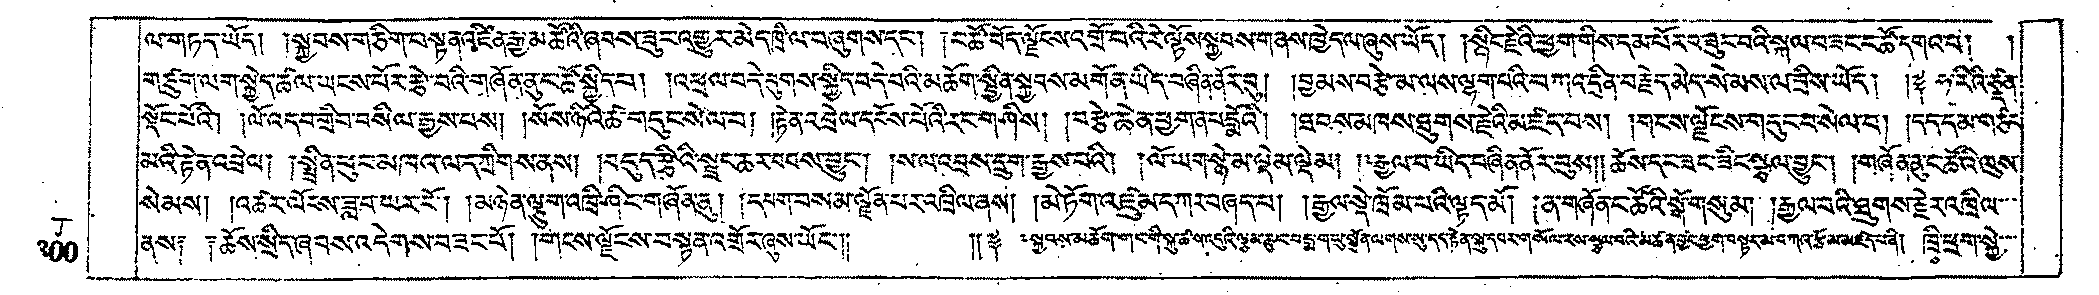ལ་གཏད་ཡོད། །སྐྱབས་གཅིག་བསྟན་འཛིན་རྒྱ་མཚོའི་ཞབས་ཟུང་འགྱུར་མེད་ཁྲི་ལ་བཞུགས་དང་། །ང་ཚོ་བོད་ལྗོངས་འགྲོ་བའི་རེ་ལྟོས་སྐྱབས་གནས་ཁྱེད་ལ་ཞུས་ཡོད། །སྙིང་རྗེའི་ཕྱག་གིས་དམ་པོར་བཟུང་བའི་སྐལ་བཟང་ང་ཚོ་དགའ་བ། །
གཙུག་ལག་སྐྱེད་ཚལ་ཡངས་པོར་རྩེ་བའི་གཞོན་ནུ་ང་ཚོ་སྐྱིད་བ། །འཕྲལ་བདེ་ཕུགས་སྐྱིད་བདེ་བའི་མཆོག་སྦྱིན་སྐྱབས་མགོན་ཡིད་བཞིན་ནོར་བུ། །བྱམས་བརྩེ་མ་ལས་ལྷག་པའི་བཀའ་དྲིན་བརྗེད་མེད་སེམས་ལ་བྲིས་ཡོད། །འ་ཧ་རིའི་ཙདན་
སྡོང་པོའི། །ལོ་འདབ་གྲིབ་སིལ་རྒྱས་པས། །སོས་ཉིའི་ཚ་གདུང་སེལ་བ། །རྟེན་འབྲེལ་དངོས་པོའི་རང་གཤིས། །བརྩེ་ཆེན་ཕྱག་ན་པདམོའི། །ཐབས་མཁས་ཐུགས་རྗེའི་མཛད་པས། །གངས་ལྗོངས་གདུང་བ་སེལ་བ། །དད་དམ་གཙང་
མའི་རྟེན་འབྲེལ། །སྤྲིན་ཕུང་མཁའ་ལ་དཀྲིགས་ནས། །བདུད་རྩིའི་སྦྲང་ཆར་བབས་བྱུང་། །ས་ལ་འབྲས་དྲུག་རྒྱས་བའི། །ལོ་ཡག་སྙེ་མ་ལྡེམ་ལྡེམ། །༧རྒྱལ་བ་ཡིད་བཞིན་ནོར་བུས། །ཆོས་དང་ཟང་ཟིང་སྩལ་བྱུང་། །གཞོན་ནུ་ང་ཚོའི་ལུས་
སེམས། །འཚར་ལོངས་ཟླ་བ་ཡར་ངོ། །མཉེན་ལྕུག་འཁྲི་ཤིང་གཞོན་ནུ། །དཔག་བསམ་ལྗོན་པར་འཁྲིལ་ནས། །མེ་ཏོག་འཛུམ་དཀར་བཞད་པ། །རྒྱལ་སྡེ་ཁྲོམ་པའི་ལྟད་མོ། །ན་གཞོན་ང་ཚོའི་སྒོ་གསུམ། །རྒྱལ་བའི་ཐུགས་རྗེར་འཁྲིལ་་་
ནས༑ ༑ཆོས་སྲིད་ཞབས་འདེགས་བཟང་པོ། །གངས་ལྗོངས་བསྟན་འགྲོར་ཞུས་ཡོངས།། །།འ་༧རྒྱས་མཆོག་གང་གི་སྐུ་ཚ་ས་འདུའི་ལྕམ་ཆུང་པདམ་གཡུ་སྒྲོ་ན་ལྒས་སུ་དད་རྟེན་སྐུ་དཔར་གསོལ་རས་སྩལ་བའི་མཚན་བྱང་ཕྱག་བསྟར་མ་བཀའ་ཚོམ་མཛད་པ་ནི།  ཁྲི྾་ཕྲག་སྐྱེ་་་